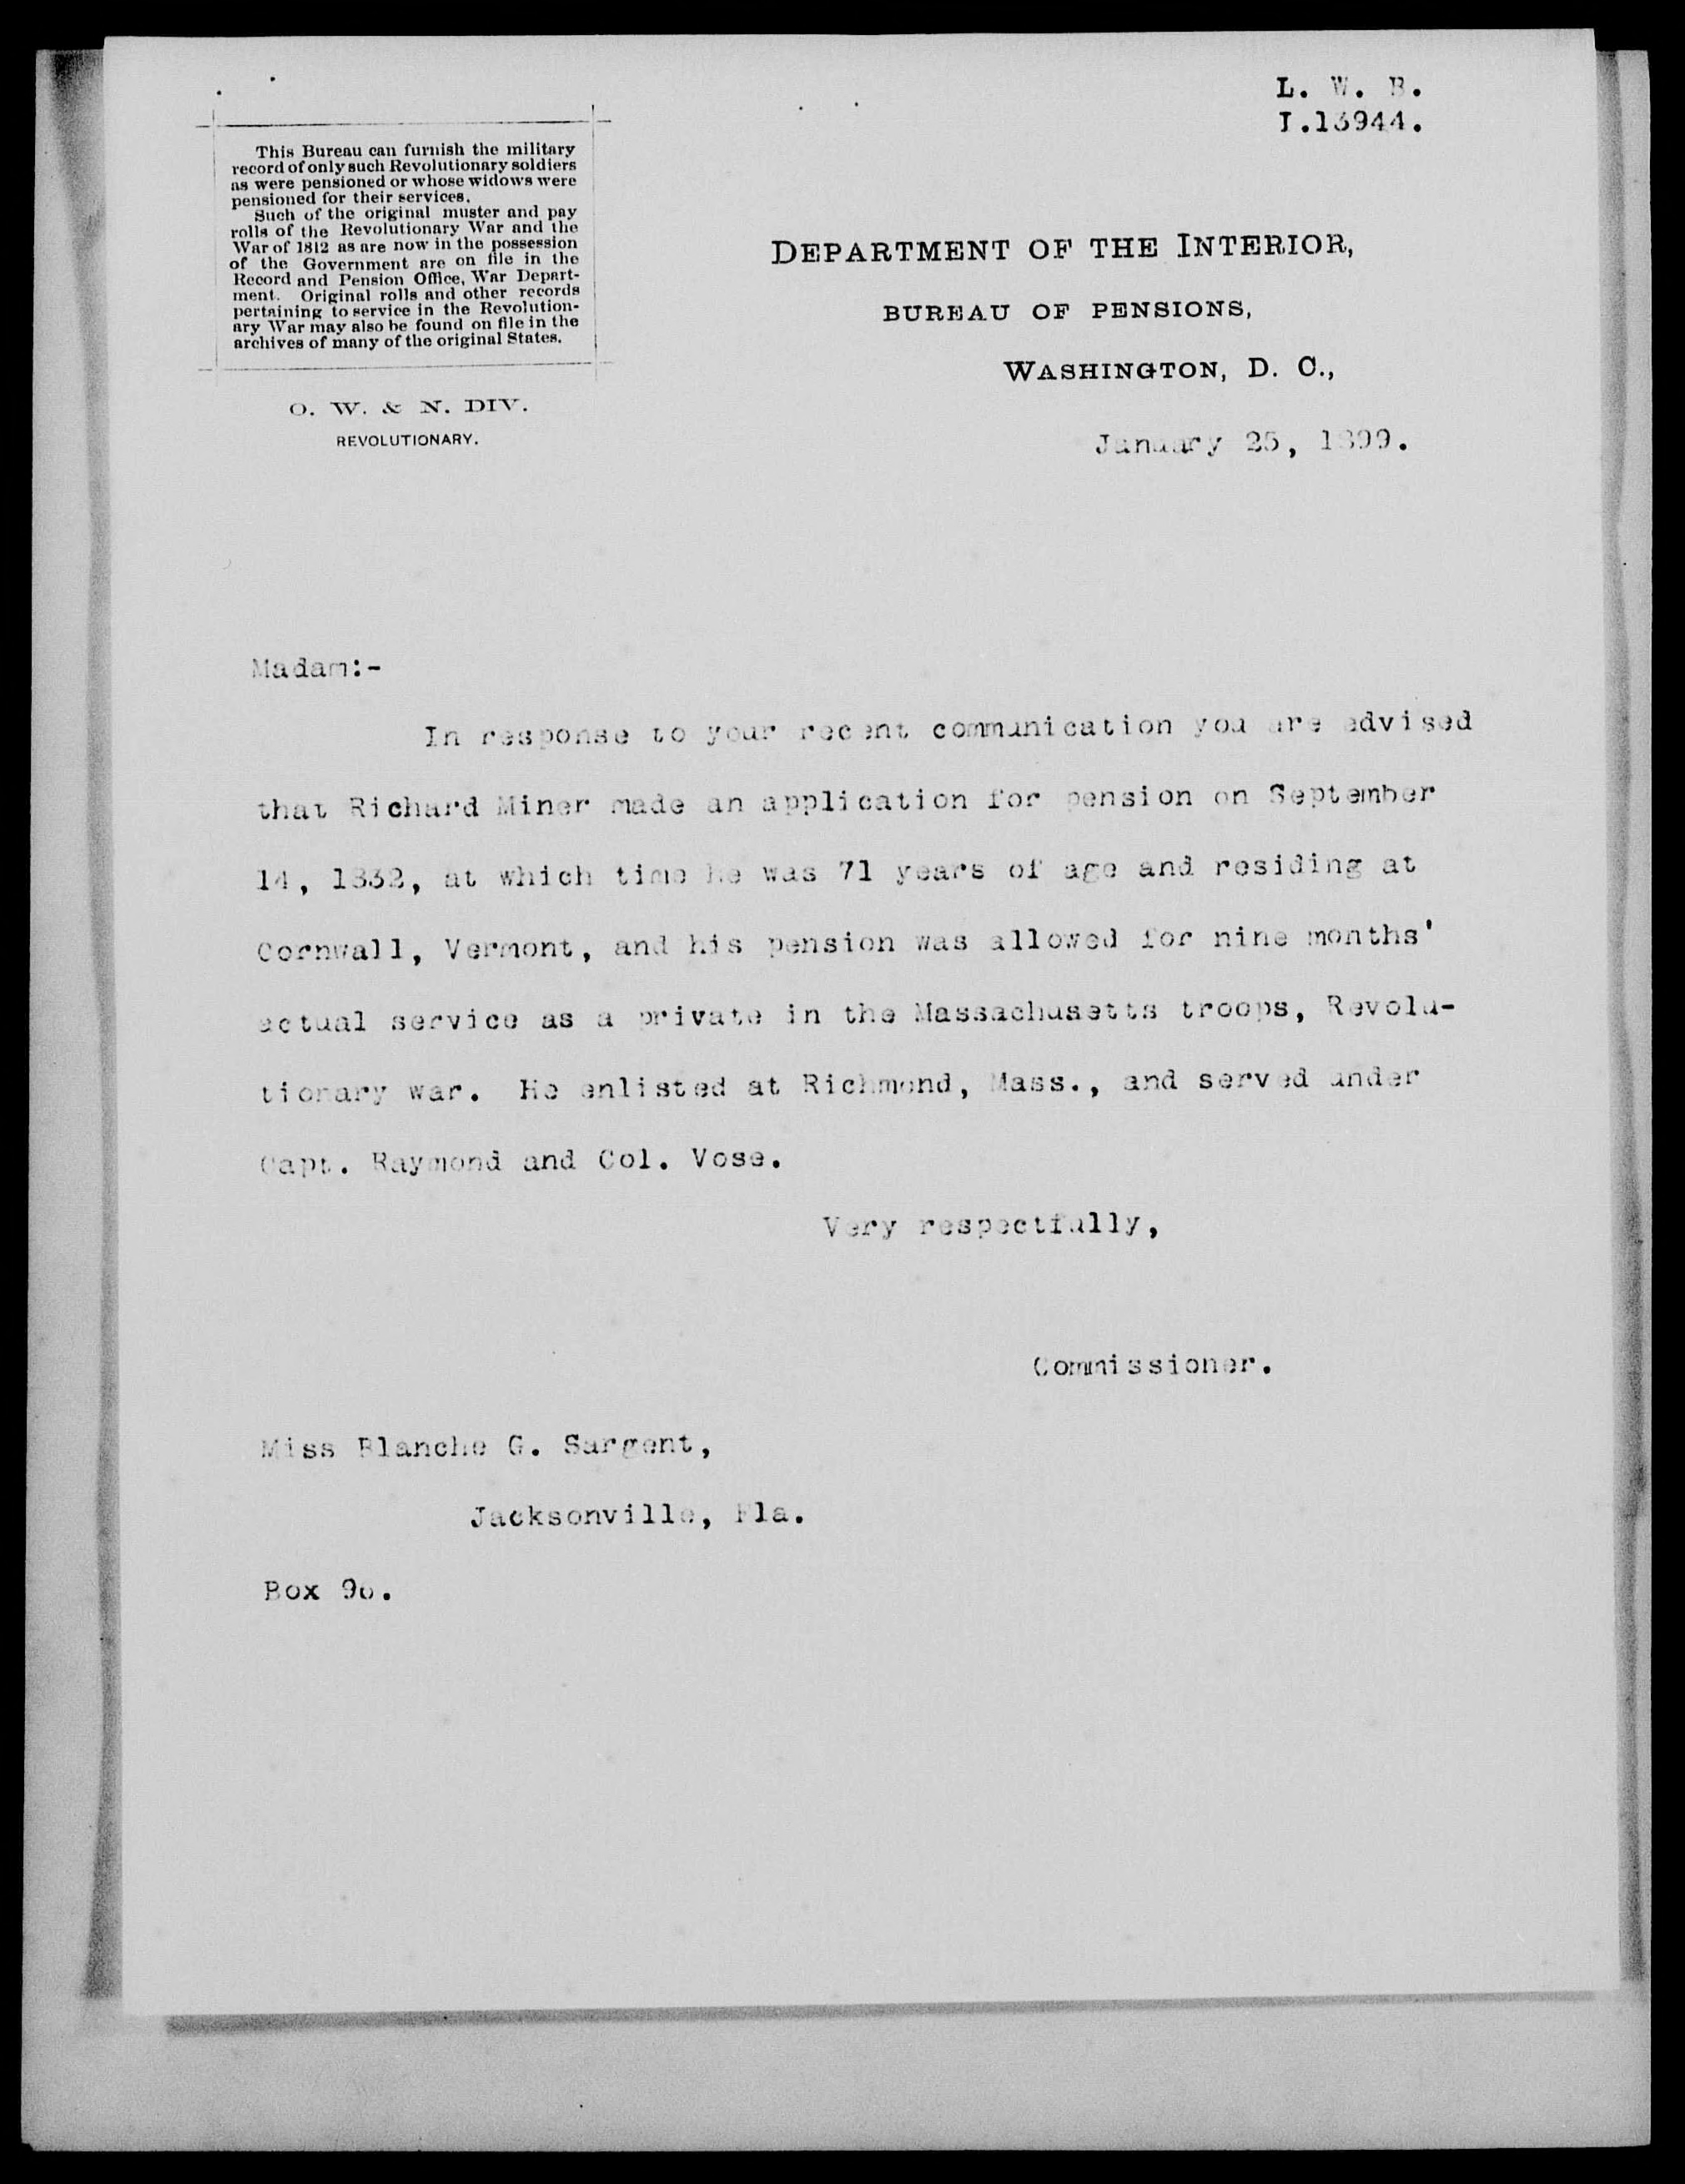L. W. B.
I. 13944.
This Bureau
can furnish
 the military
record of only such Revolutionary soldiers
as were pensioned or whose widows were
pensioned for their services.
Such of the original
muster and pay
rolls of the Revolutionary War and the
War of 1812 as are now in the possession
of the Government are on file in the
Record and Pension Office, War Department
. Original rolls and other records
pertaining to service
in the Revolutionary War may also be found on file in the
archives of many of the original States.
O. W. & N. DIV.
REVOLUTIONARY.


DEPARTMENT OF THE INTERIOR,
BUREAU OF PENSIONS,
WASHINGTON, D. C.,
January 25, 1899.
Madam: --
In response to your recent communication you are advised
that Richard Miner made an application for pension on September
14, 1832, at which time he was 71 years of age and residing at
Cornwall, Vermont, and his pension was allowed for nine months
actual service as a private in the Massachusetts troops, Revolutionary war. He enlisted at Richmond, Mass., and served under
Capt. Raymond and Col. Vose.

Very respectfully,
Commissioner.
Miss Blanche G. Sargent,
Box 90.
Jacksonville, Fla.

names: Blanche G Sargent; [BLANK] Vose; [BLANK] Raymond; Richard Miner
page: 18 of 34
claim: survivor's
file: S. 13944, for Richard Miner, Massachusetts